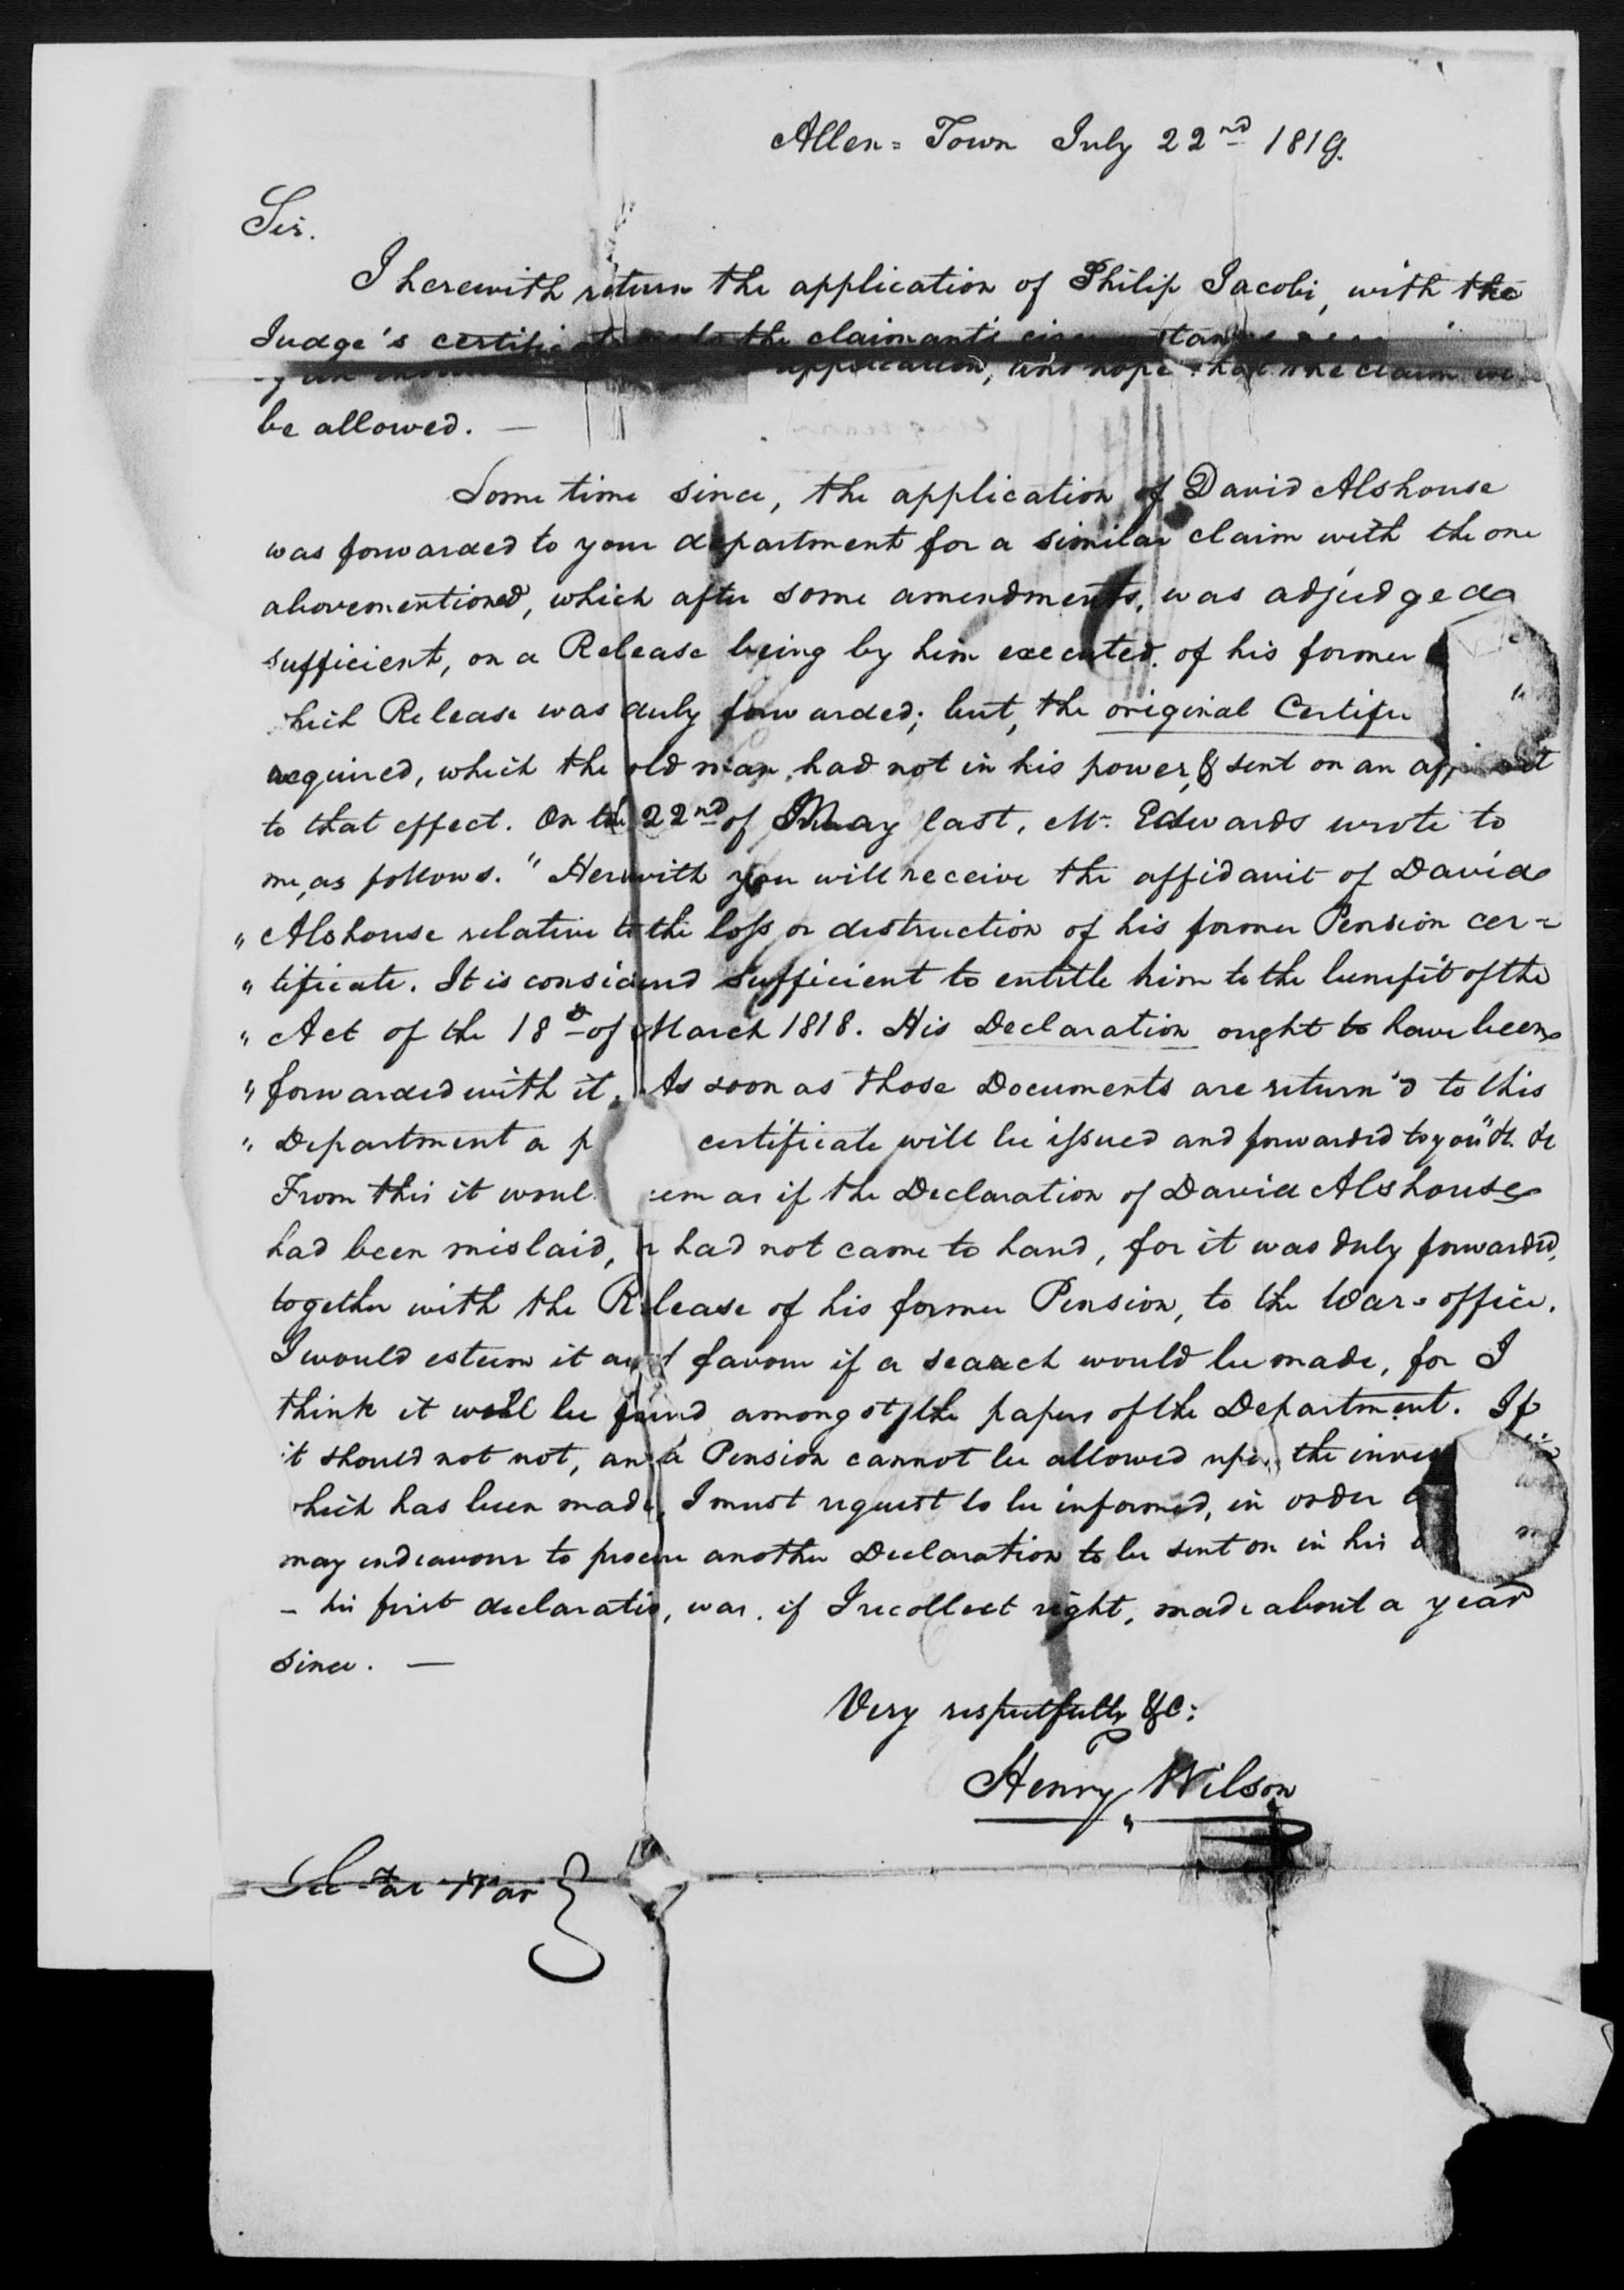Allen-Town   July 22nd 1818

Sir,

I herewith return the application of Philip Jacobi, with the Judge's certificate [words blocked out by black ink] the claimant [words blocked out] application and hope that the claim can be allowed.-

Sometime since, the application of David Alshouse was forwarded to our department for a similar claim with the one afore mentioned, which after some amendments, was adjudged as sufficient, on a release being by him executed of his former [paper seal blocking writing] which Release was only forwarded; but, the original Certificate was acquired, which the old man had not in his power, & sent on an affidavit to that effect.  On the 22nd of May last, Mr. Edwards wrote to me as follows."  Herewith you will receive the affidavit of David Alshouse relative to the loss or destruction of his former pension certificate.  It is considered sufficient to entitle him to the benefit of the Act of the 18th of March 1818.  His Declaration ought to have been forwarded with it.  As soon as those documents are returned to this Department a paper certificate will be issued and forwarded to you" &c &c
From this it would seem as if the Declaration of David Alshouse had been mislaid, or had not come to hand, for it was only forwarded together with the Release of his former Pension, to the war office.  I would return it [world blurred] favour if a search would be made, for I think it will be found amongst all of the papers of the Department.  If it should not not [sic] , and the pension cannot be allowed upon the [words blocked out by stamp] which has been made, I must request to be informed, in order to [words blocked out by stamp] may and [illegible] to procure another Declaration to be sent on in his [worlds blocked out] - his first declaration, was, if I recollect right, made about a year since.--
very respectfully yrs:
Henry Wilson [signature]

Secretary of War}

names: David Alshouse, Edwards, Henry Wilson, David Alshouse, Philip Jacob, David Alshouse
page: 17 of 17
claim: survivor's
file: S. 39928, David Alshouse, Penn.